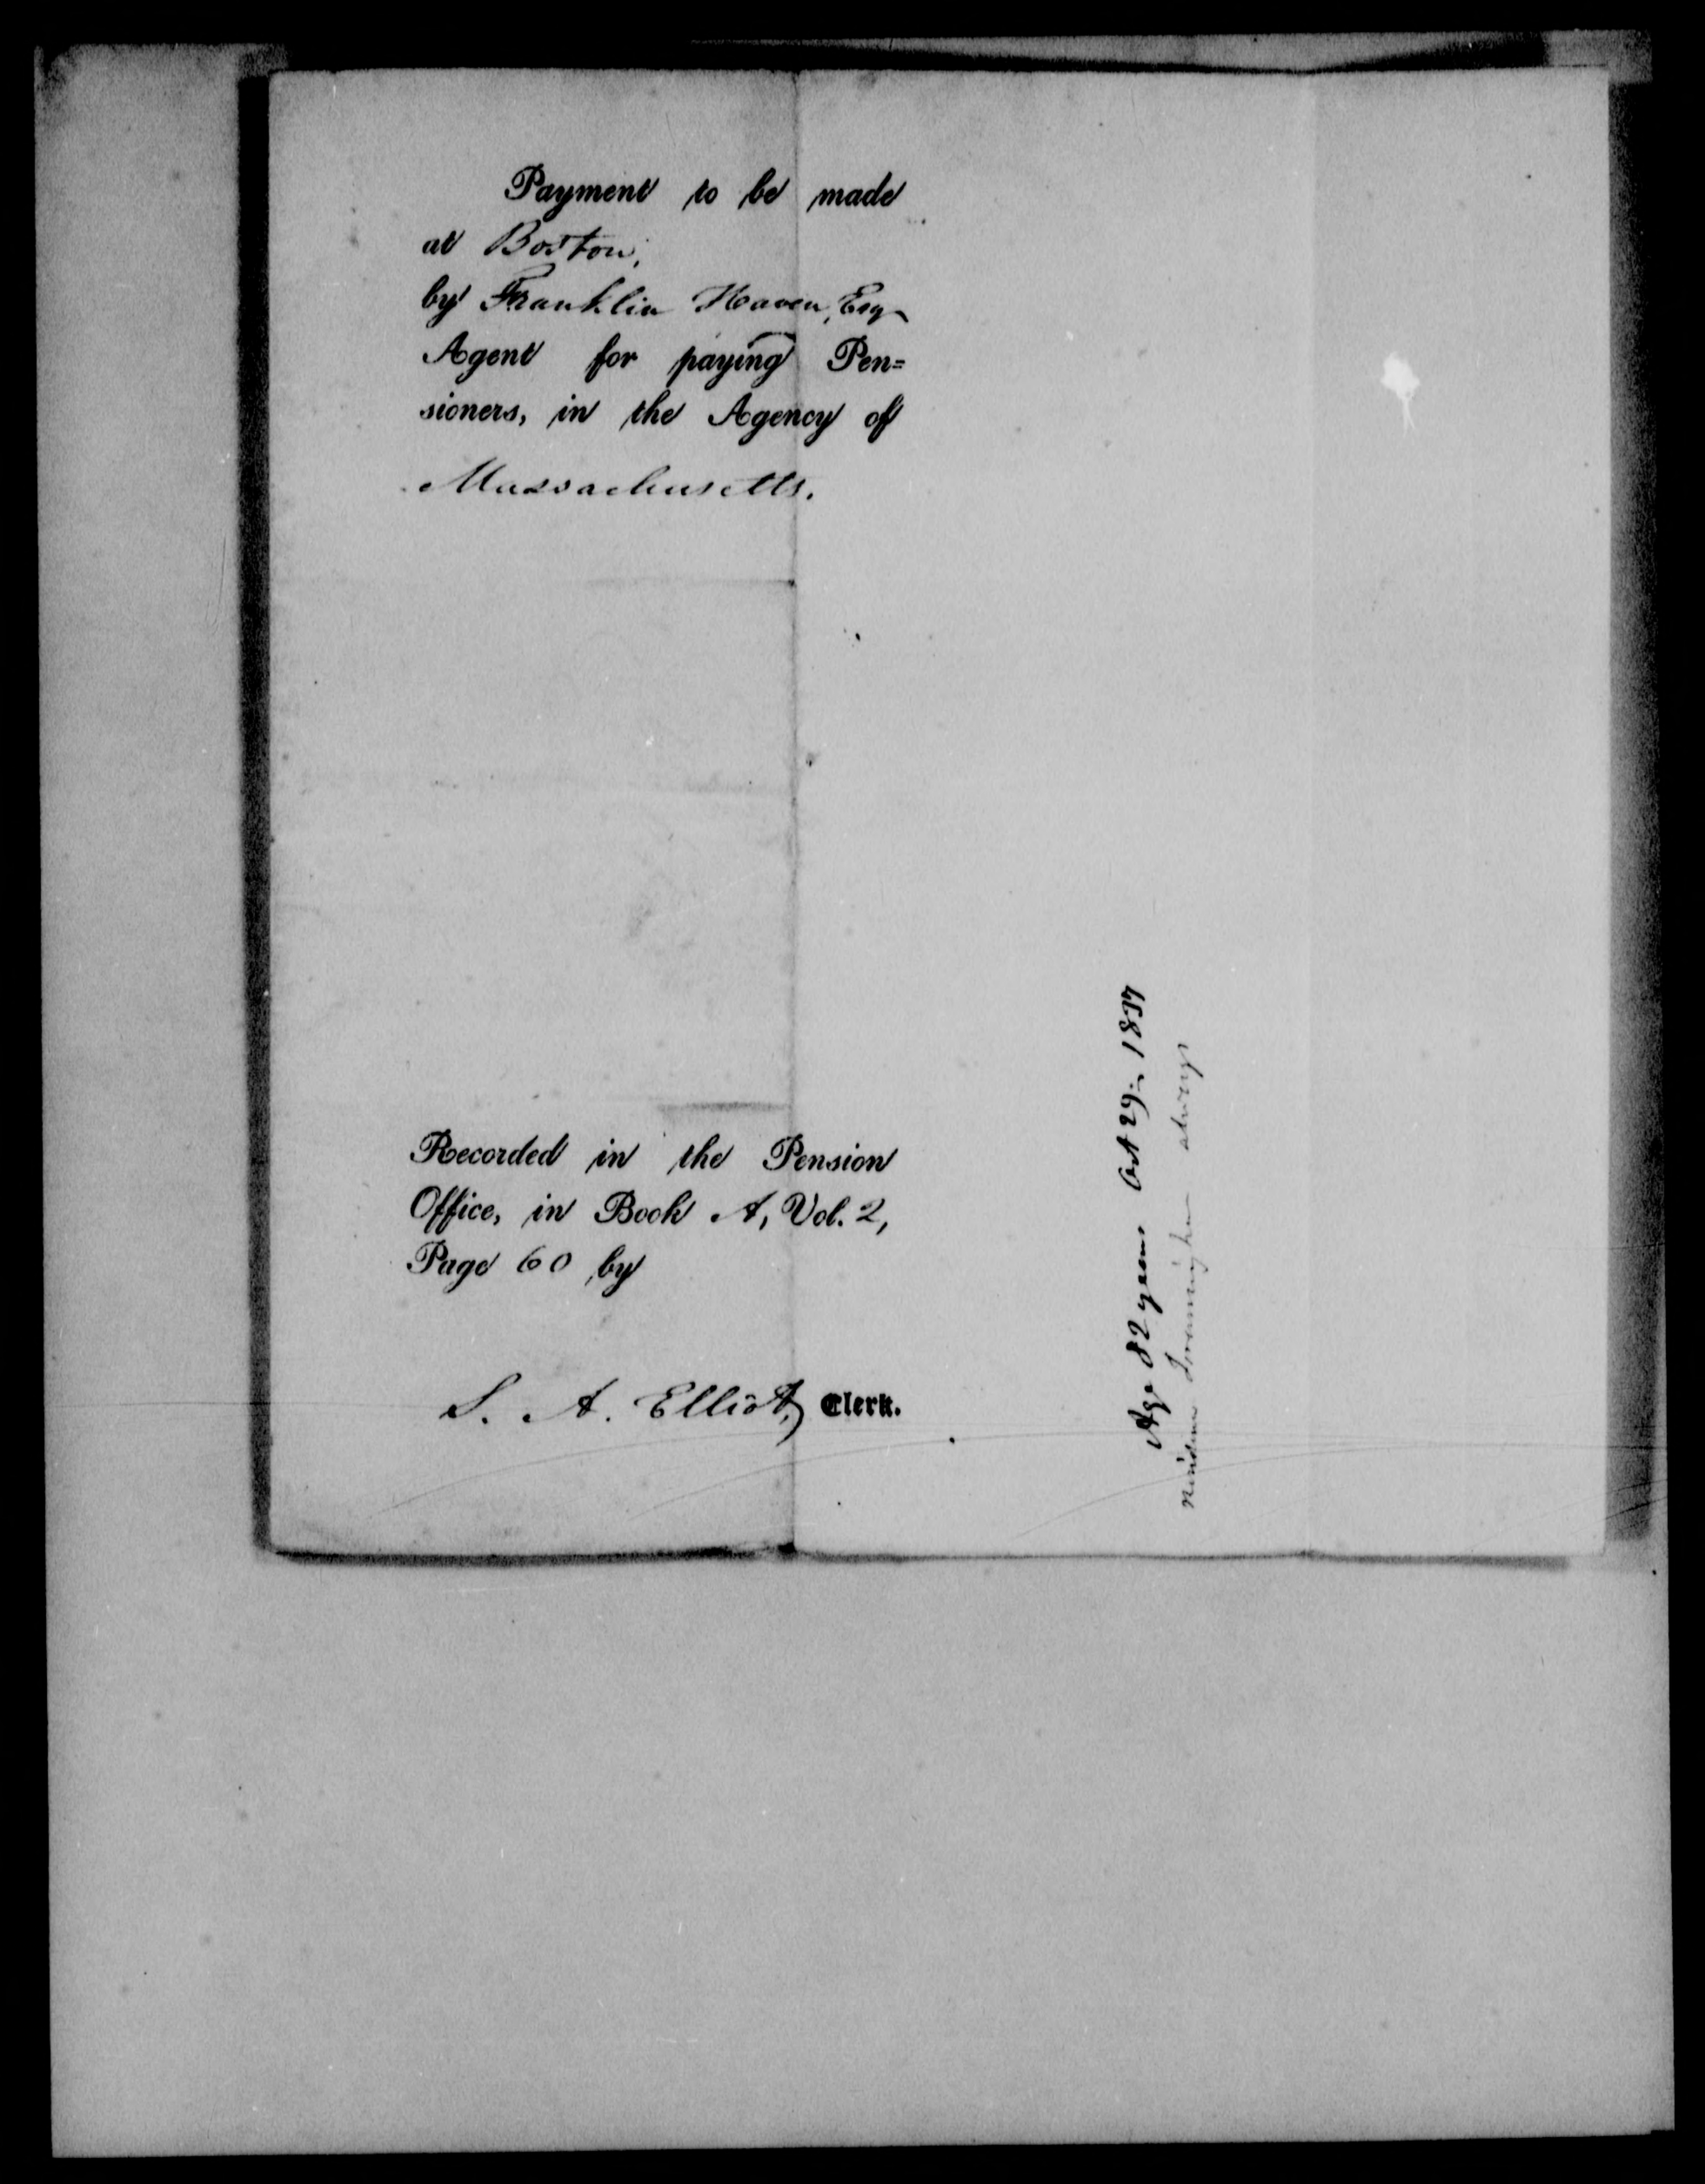Payment to be made
at Boston
by Franklin Haven, Esq
Agent for paying Pensioners
in the Agency of
Massachusetts,

Recorded in the Pension
Office, in Book A. Vol. 2
Page 60 by
S.A. Elliot, Clerk

Age 82 years
Oct 29. 1837
Residence Framingham always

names: Franklin Haven, S A Elliot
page: 19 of 34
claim: widow's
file: W. 15439, John Trowbridge, Mass.